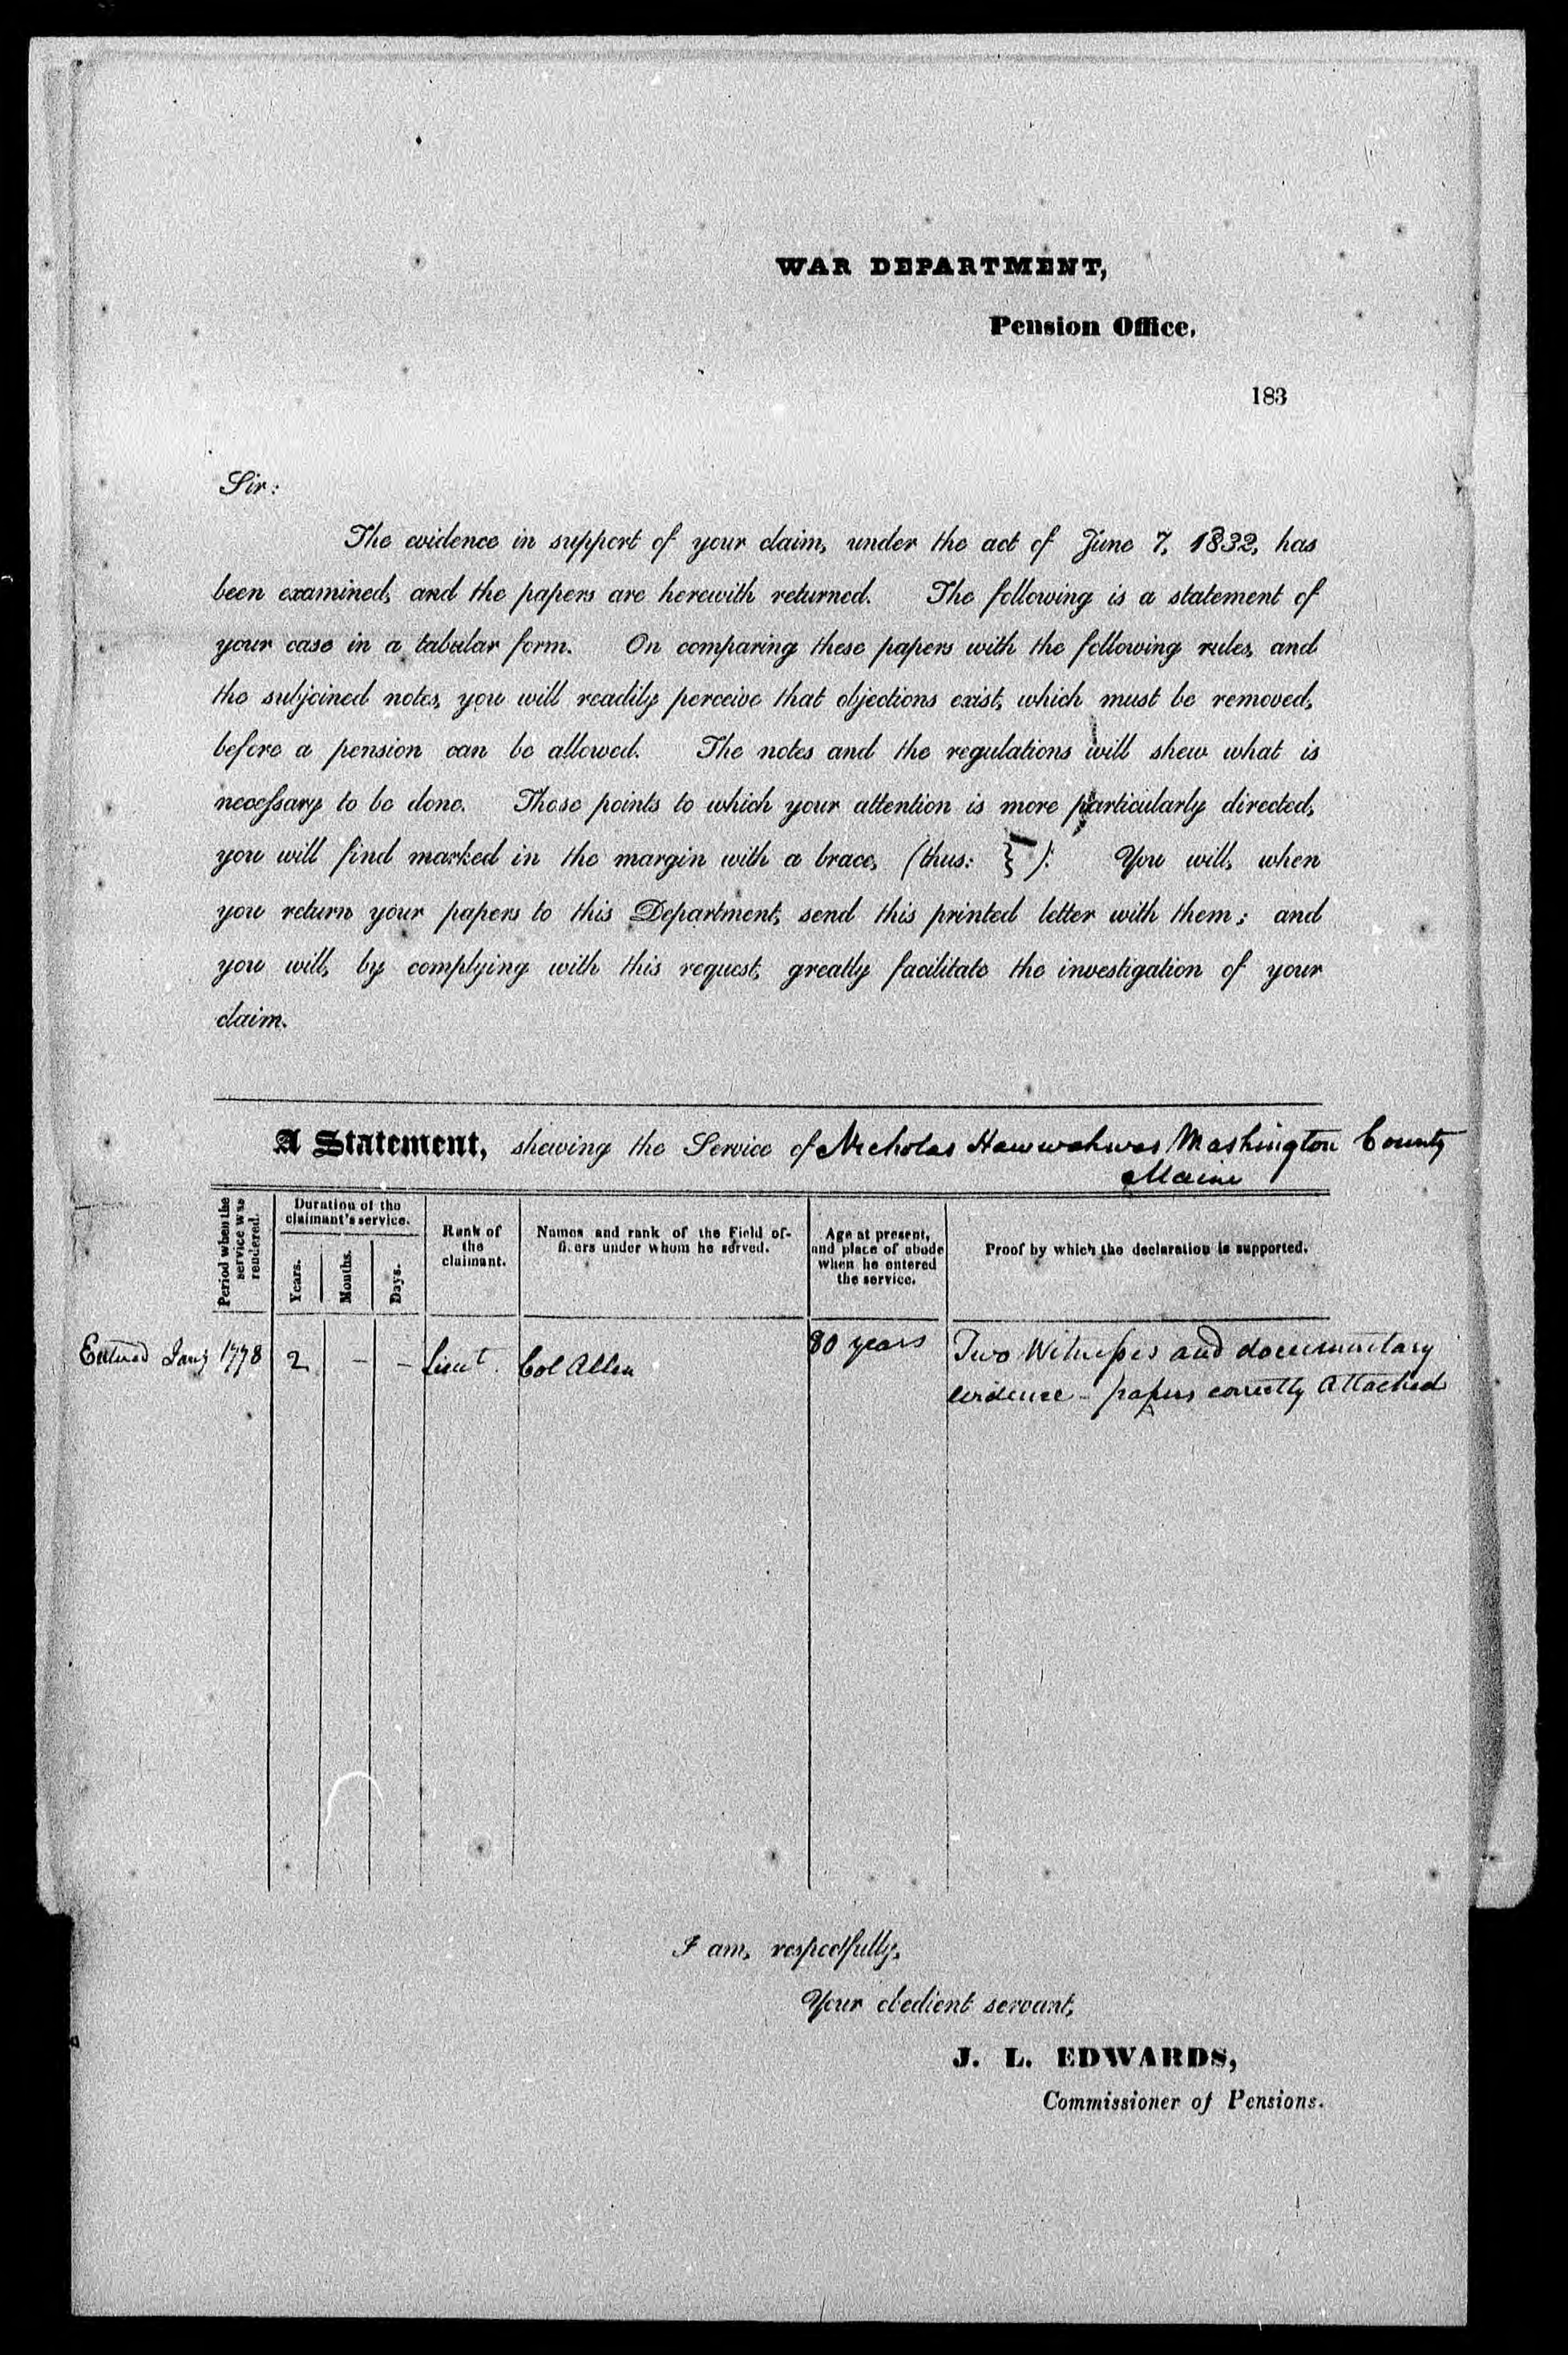WAR DEPARTMENT,
Pension Office.

183

Sir:

The evidence in support of your claim, under the act of June 7, 1832, has
been examined and the papers are herewith returned. The following is a statement of
your case in a tabular form. One comparing these papers with the following rules, and
the subjoined notes, you will readily perceive that objections exist, which must be removed,
before a pension can be allowed. The notes and the regulations will show what is
necessary to be done. Those points which your attention is more particularly directed,
you will find marked in the margin with a brace, (thus: }). You will, when
you return your papers to this Department, send this printed letter with them; and
you will, by complying with this request, greatly facilitate the investigation of your
claim.


A Statement, showing the Service of Nicholas Hawwahwas Washington County
Main

[Table written by row, each column heading followed by a colon : ]

Period when the service was rendered.: Entered Jany 1778
Duration of the claimant's service. / Years.: 2 / Months.: - / Days.: -
Rank of the claimant.: Lieut.
Names and rank of the Field officers under whom he served.: Col Allen
Age at present, and place of abode when he entered the service.: 80 years
Proof by which the declaration is supported.: Two witnesses and documentary evidence - papers correctly attached

I am, respectfully,
Your obedient servant,
J. L. EDWARDS,
Commissioner of Pensions.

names: Allen, J L Edwards, Nicholas Hawwahwas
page: 6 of 52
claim: survivor's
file: S 17997, Nicholas Hawwawas, Mass.